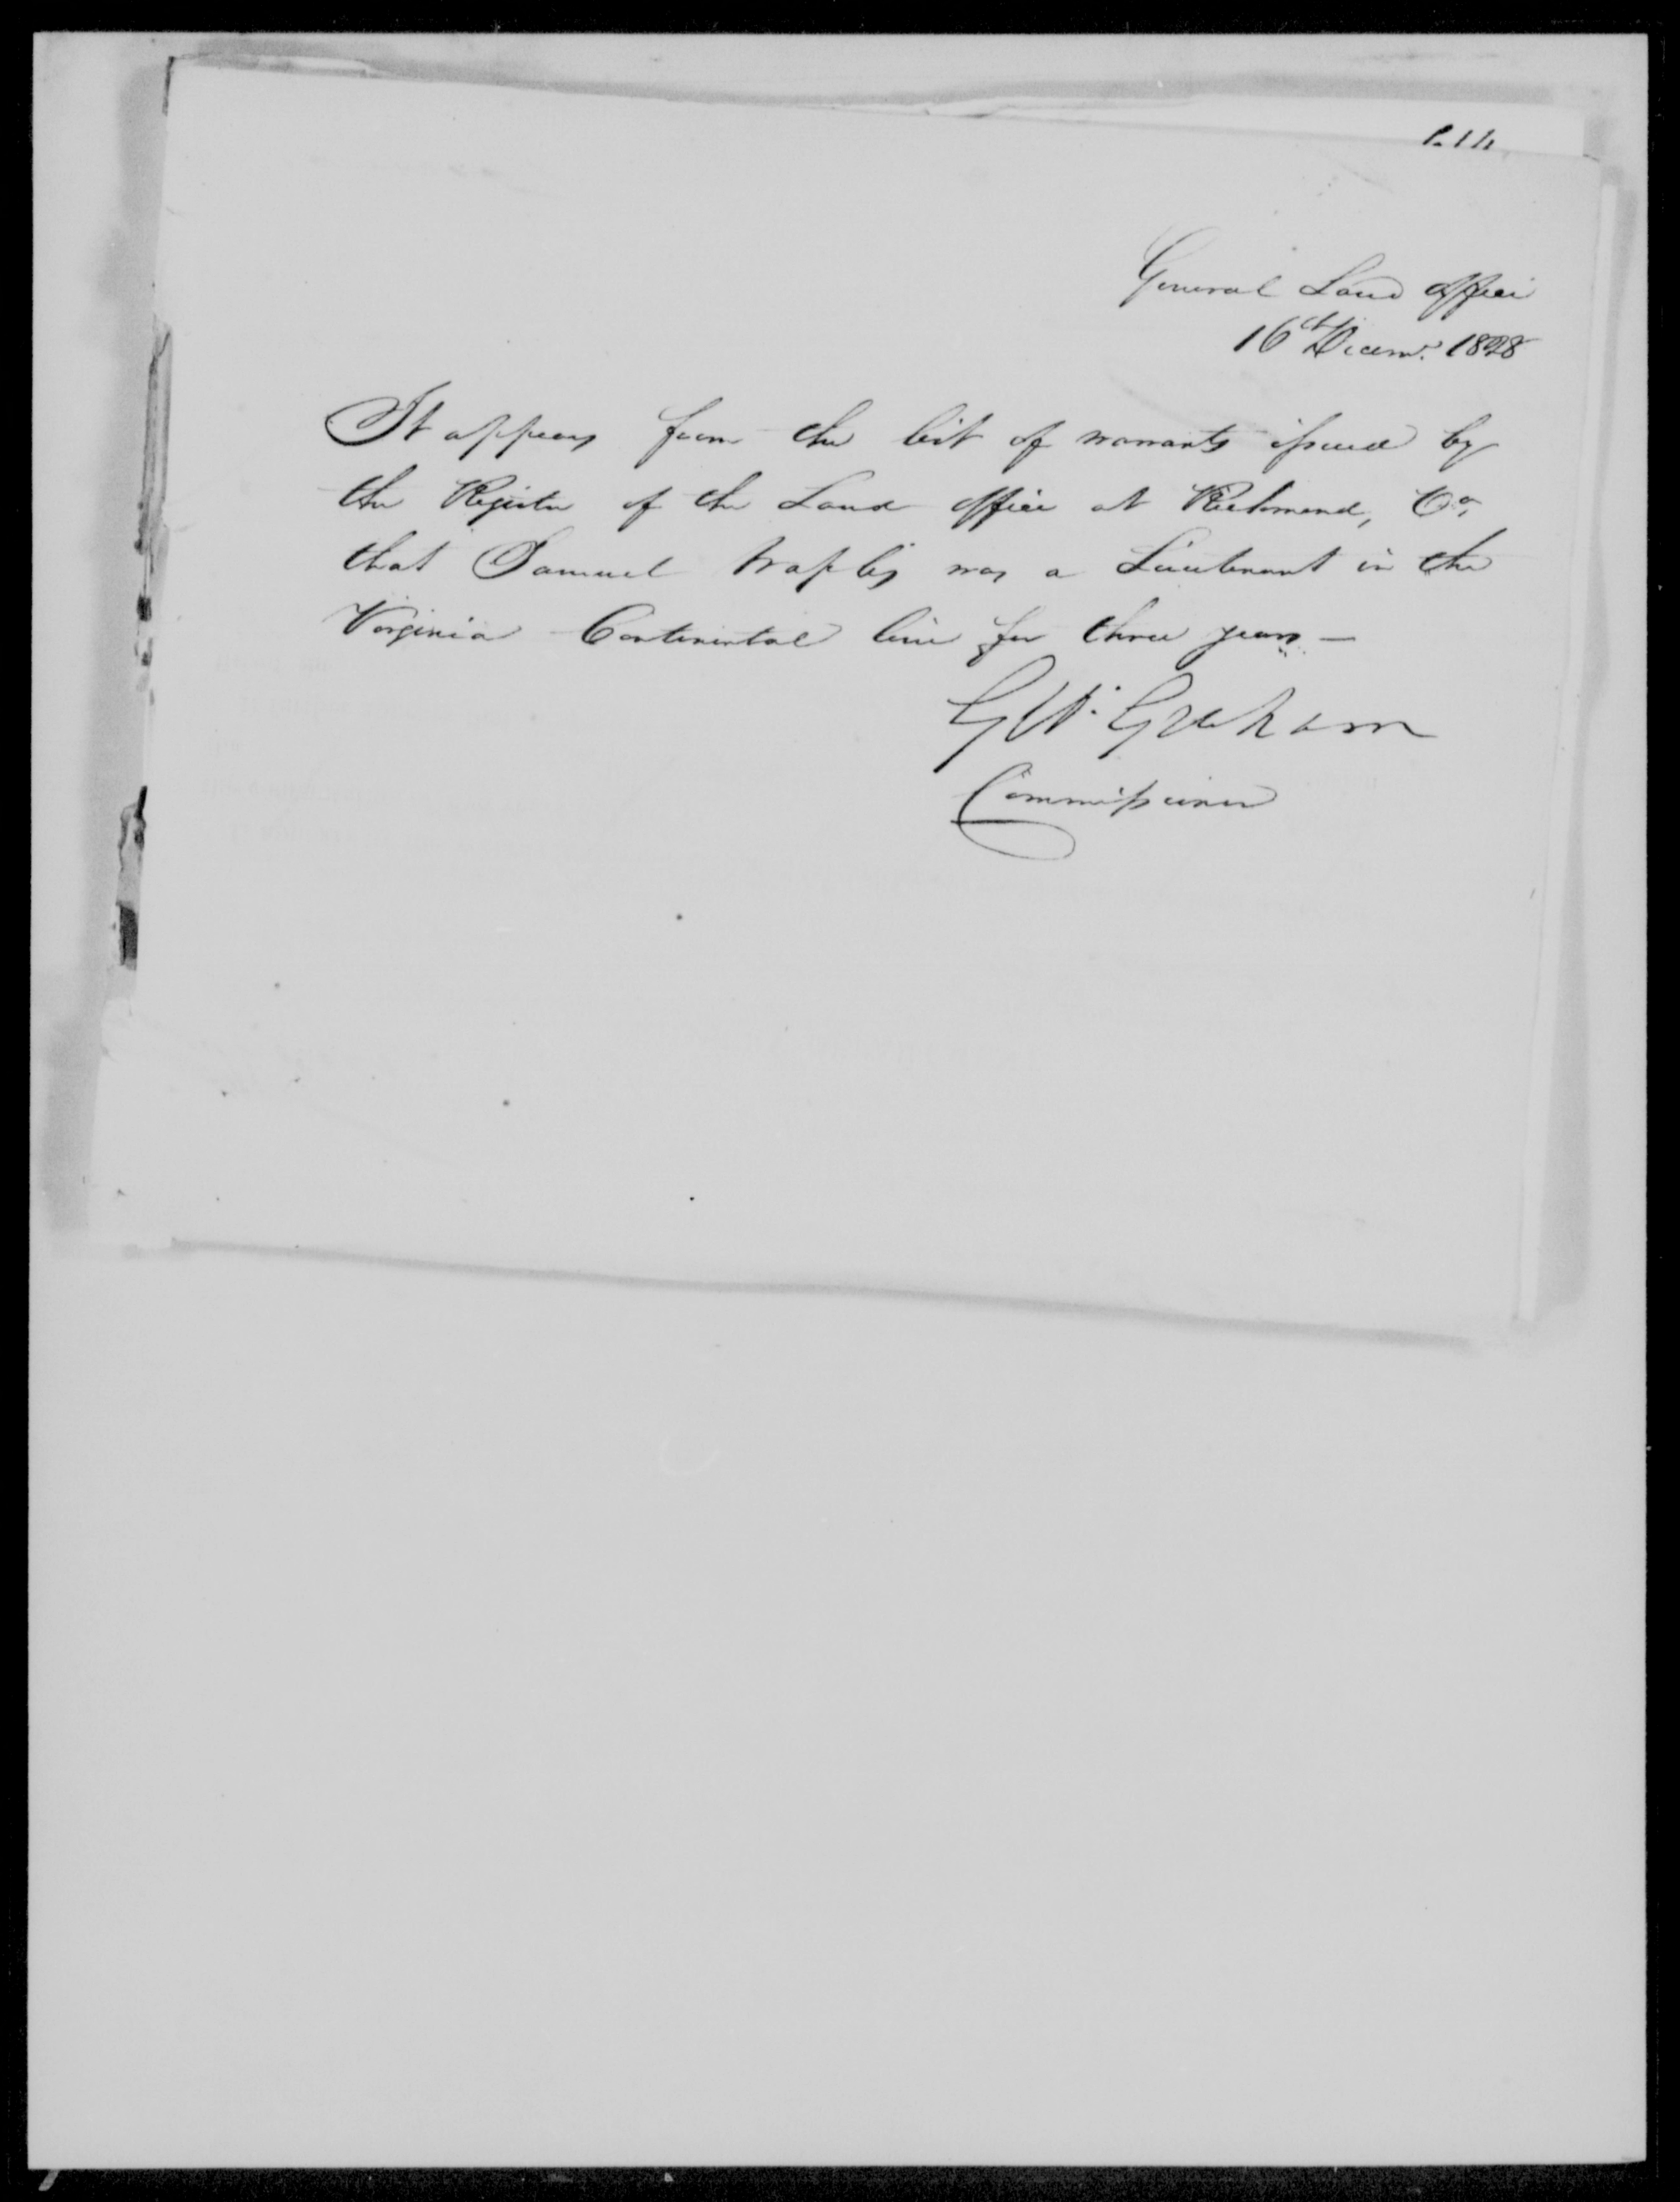[handwritten]
General Land Office
16th Decemr. 1828

It appears from the list of warrants issued by
the Register of the Land Office at Richmond, Va,
that Samuel Waples was a Lieutenant in the
Virginia Continental line for three years-
Geo. Graham
Commissioner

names: Geo Graham, Samuel Waples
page: 46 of 59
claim: widow's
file: W. 6427, Samuel Waples, Va.